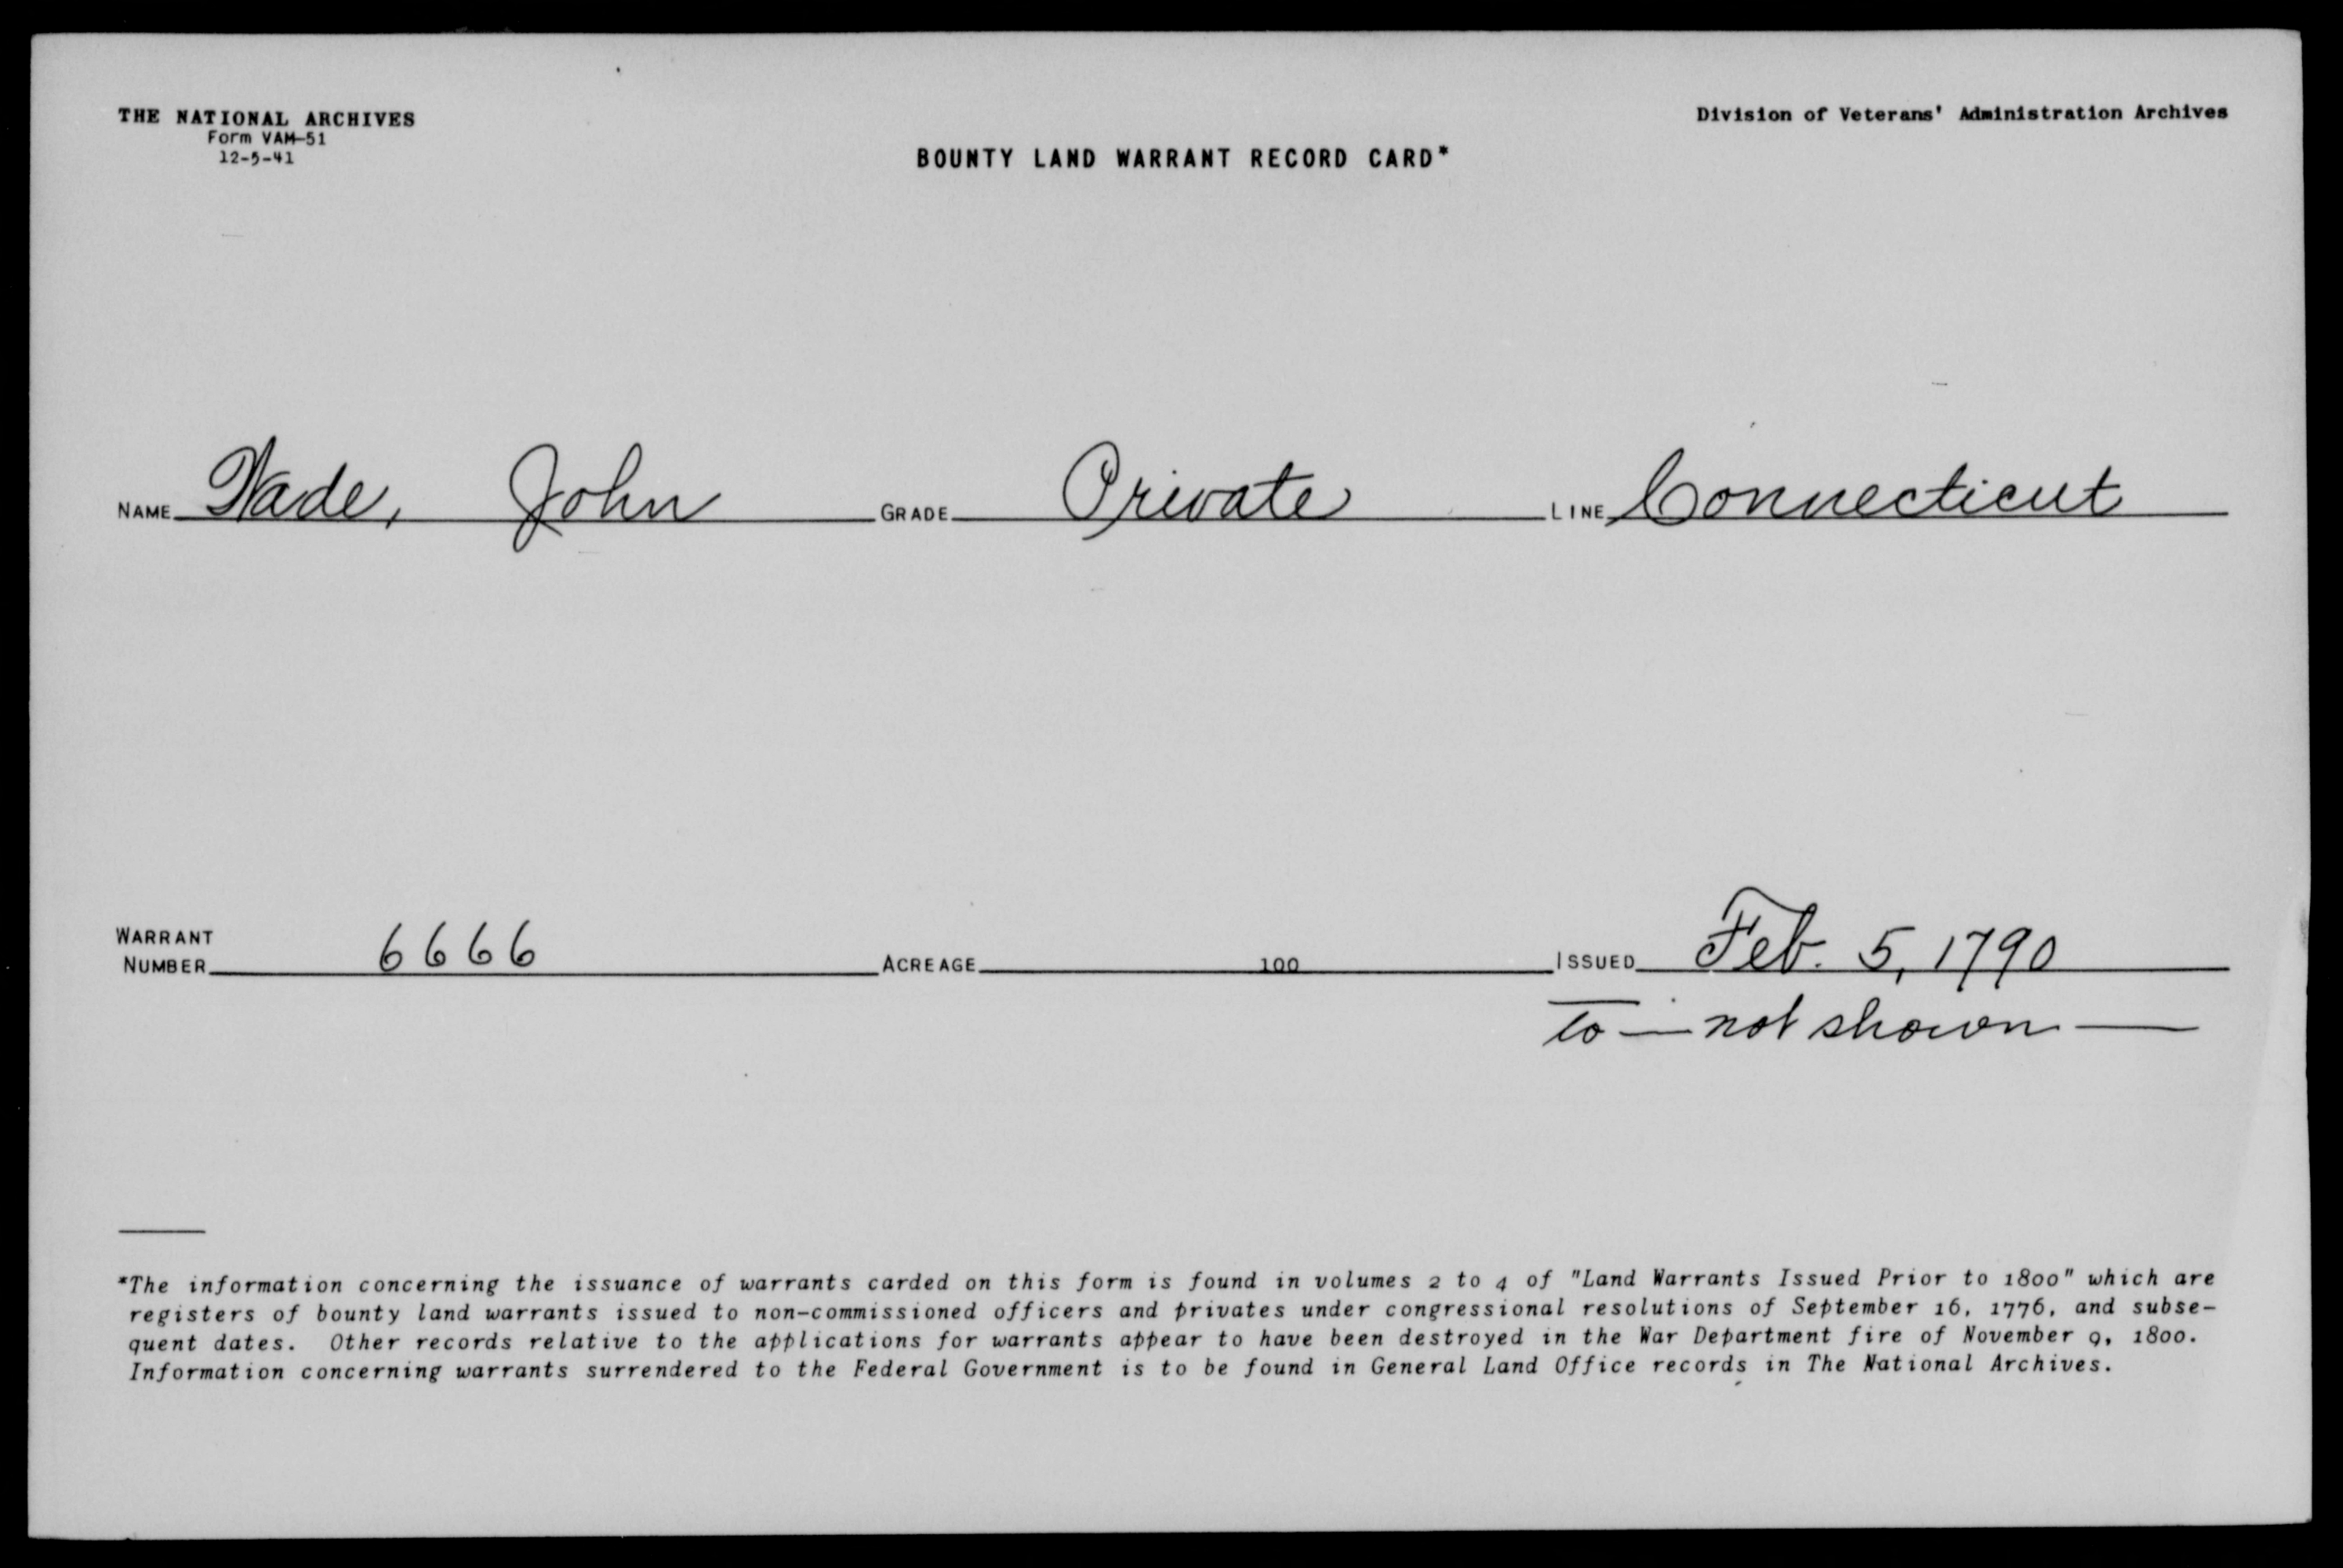THE NATIONAL ARCHIVES
Form VAM-51
12-5-41

BOUNTY LAND WARRANT RECORD CARD*

Division of Veterans' Administration Archives

[this bounty land warrant card has nothing to do with this file of Jacob Wade, S.41290]

NAME Wade, John
GRADE Private
LINE Connecticut

WARRANT NUMBER 6666
ACREAGE 100
ISSUED Feb. 5, 1790
To --- not shown ---


*The information concerning the issuance of warrants carded on this form is found in volumes 2 to 4 of "Land Warrants Issued Prior to 1800" which are registers of bounty land warrants issued to non-commissioned officers and privates under congressional resolutions of September 16, 1776, and subsequent dates.  Other records relative to the applications for warrants appear to have been destroyed in the War Department fire of November 9, 1800.  Information concerning warrants surrendered to the Federal Government is to be found in General Land Office records in The National Archives.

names: John Wade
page: 10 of 10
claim: survivor's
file: S. 41290, Jacob Wade, Va.